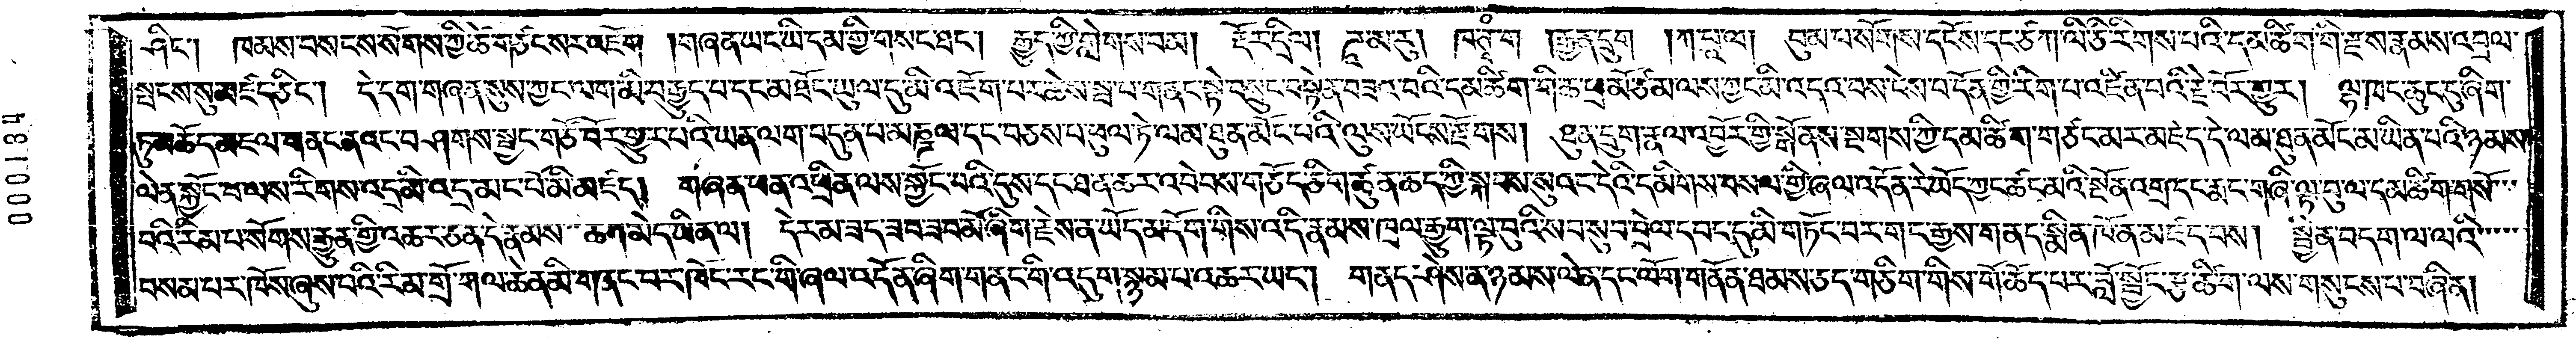ཤིང་། ཁམས་བསངས་སོགས་ཀྱི་ཚེ་གཙང་སར་འཇོག །གཞན་ཡང་ཡི་དམ་གྱི་གསང་ཐང་། རྒྱུད་ཀྱི་གླེགས་བམ། རྡོར་དྲིལ། ཌཱ་མ་རུ། ཁ་ཊྭཾ་ག །རྒྱན་དྲུག །ཀ་པཱ་ལ། བུམ་པ་སོགས་དངོས་དང་ཙ་ཀ་ལི་ཅི་རིགས་པའི་དམ་ཚིག་གི་རྫས་རྣམས་འབྲལ་
སྤངས་སུ་མཛད་ཅིང་། དེ་དག་གཞན་སུས་ཀྱང་ལག་མི་བརྒྱུད་པ་དང་མཐོང་ཡུལ་དུ་མི་འཇོག་པར་ཆེས་སྦ་བ་གནང་སྟེ་བསྲུང་བསྟེན་བཟའ་བའི་དམ་ཚིག་གི་ཆ་ཕྲ་མོ་ཙམ་ལས་ཀྱང་མི་འདའ་བས་ངེས་པ་དོན་གྱི་རིག་པ་འཛིན་པའི་རྗེ་བོར་གྱུར། ལྷ་ཁང་ཆུང་ངུ་ཞིག་
ཏུ་མཆོད་མཇལ་གནང་ནའང་བཤགས་སྦྱང་གཙོ་བོར་གྱུར་པའི་ཡན་ལག་བདུན་པ་མཎྜལ་དང་བཅས་པ་ཕུལ་ཏེ་ལམ་ཐུན་མོང་པའི་ལུས་ཡོངས་རྫོགས། ཐུན་དྲུག་རྣལ་འབྱོར་གྱི་སྒོ་ནས་སྔགས་ཀྱི་དམ་ཚིག་གཙང་མར་མཛད་དེ་ལམ་ཐུན་མོང་མ་ཡིན་པའི་ཉམས་
ལེན་སྐྱོང་བ་ལས་རིགས་འདྲ་མི་འདྲ་མང་པོ་མི་མཛད། གཞན་ཕན་འཕྲིན་ལས་སྐྱོང་བའི་དུས་དང་ཐ་ན་ཆར་འབེབས་གཅོད་ཅིག་ཚུན་ཆད་ཀྱི་སྐབས་སུ་འང་དེའི་དམིགས་བསལ་གྱི་ཞལ་འདོན་རེ་ཡོད་ཀྱང་ཚང་མའི་སྔོན་འགྲོ་དང་རྨང་གཞི་ལྟ་བུ་ལ་དམ་ཚིག་གསོ་
བའི་རིམ་པ་སོགས་རྒྱུན་གྱི་འཆར་ཅན་དེ་རྣམས་ཆག་མེད་ཡིན་ལ། དེར་མ་ཟད་ཟབ་ཟབ་མོ་ཞིག་རྗེས་ན་ཡོད་མདོག་གིས་འདི་རྣམས་ཁྲལ་རྒྱུག་ལྟ་བུའི་སབ་སུབ་བྲེལ་དབང་དུ་མི་གཏོང་བར་གང་རྒྱས་གནད་སྨིན་ཁོ་ན་མཛད་པས། སྦྱིན་བདག་ལ་ལའི་
བསམ་པར་ཁོས་ཞུས་བའི་རིམ་གྲོ་གལ་ཆེན་མི་གནང་བར་ཁོང་རང་གི་ཞལ་འདོན་ཞིག་གནང་གི་འདུག་སྙམ་པ་འཆར་ཡང་། གནང་ཤེས་ན་ཉམས་ལེན་དང་ལོག་གནོན་ཐམས་ཅད་གཅིག་གིས་གོ་ཆོད་པར་བློ་སྦྱོང་རྩ་ཚིག་ལས་གསུངས་པ་བཞིན།